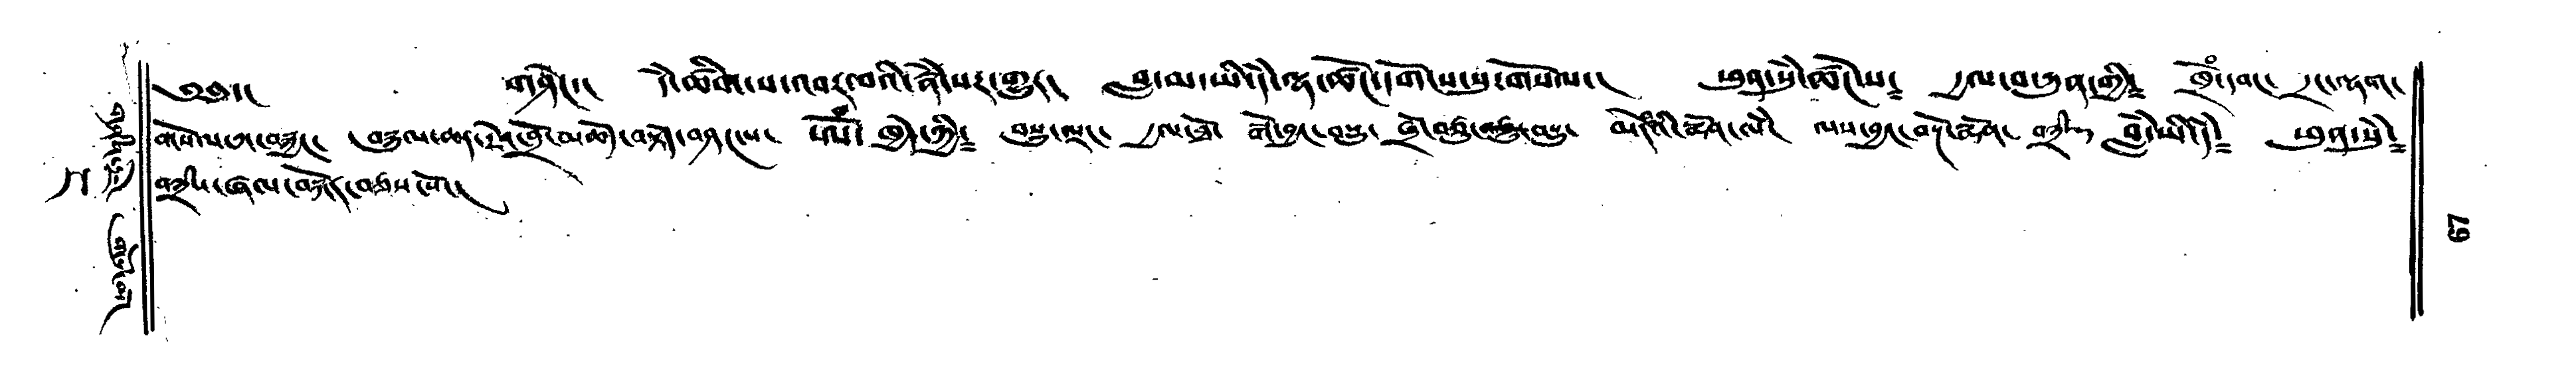༦༧༽ གཤེགས། །དམ་ཚིགས་པ་འབར་བའི་རྣམ་པར་གྱུར། བླ་མ་ཡི་དམ་ལྷ་ཚོགས་དགོངས་སུ་གསོལ། ཕུན་སུམ་ཚོགས་པ༴ རྒྱལ་བ་ཀུན་གྱི༴ ཁྲོམ་དབང་། དྲང་ལྷག་
གསོལ་ཀ་བསྐྱང་། བསྐུལ་ཆད་བརྟན་བྲོ། མཆོད་བསྟོད་བཤགས་པ། ཨོཾ། ཁྱེད་ཀྱི༴ བསྡུ་ལྡང་། རྒྱལ་ཐོ། སྒོ་བྱང་བསྡུ། ཁྲོ་བཅུ་བསྡུ། མར་མེའི་སྨོན་ལམ། ལས་བྱང་བསྔོ་སྨོན། བཀྲ་ཤིས། བླ་མ་ཡི་དམ༴ ཕུན་སུམ་
བཀྲ་ཤིས་ཞལ་བསྐོར་བཅས་སོ།།